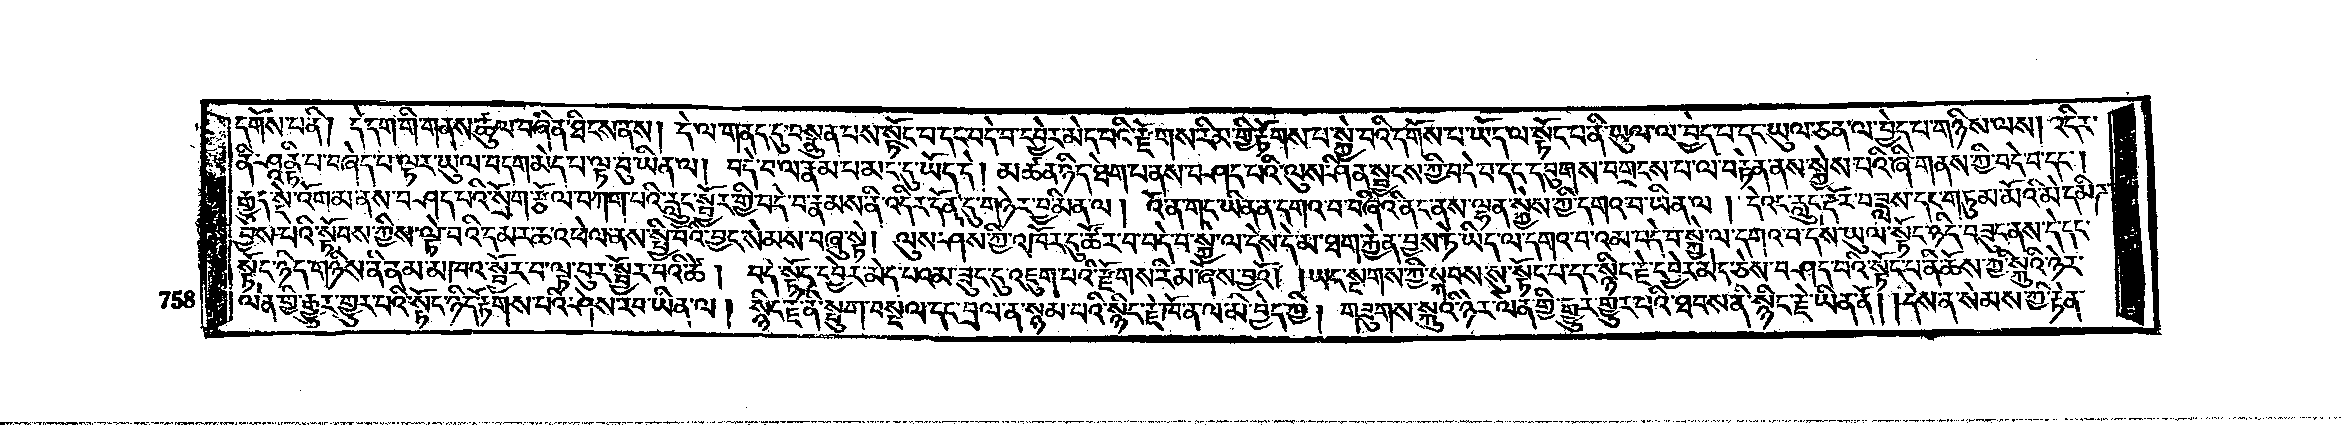དགོས་པ་ནི། དེ་དག་གི་གནས་ཚུལ་བཞིན་ཐིངས་ནས། དེ་ལ་གནད་དུ་བསྣུན་པས་སྟོང་པ་དང་བདེ་བ་དབྱེར་མེད་པའི་རྫོགས་རིམ་གྱི་རྟོགས་པ་སྐྱེ་བའི་དགོས་པ་ཡོད་ལ་སྟོང་པ་ནི་ཡུལ་ལ་བྱེད་པ་དང་ཡུལ་ཅན་ལ་བྱེད་པ་གཉིས་ལས། འདིར་
ནི་ཤཱནྟི་པ་བཞེད་པ་ལྟར་ཡུལ་བདག་མེད་པ་ལྟ་བུ་ཡིན་ལ། བདེ་བ་ལ་རྣམ་པ་མང་དུ་ཡོད་དེ། མཚན་ཉིད་ཐེག་པ་ནས་བཤད་པའི་ལུས་ཤིན་སྦྱངས་ཀྱི་བདེ་བ་དང་དབུགས་བགྲངས་པ་ལ་བརྟེན་ནས་སྐྱེས་པའི་ཞི་གནས་ཀྱི་བདེ་བ་དང་།
རྒྱུད་སྡེ་འོག་མ་ནས་བཤད་པའི་སྲོག་རྩོལ་བཀག་པའི་རླུང་སྦྱོར་གྱི་བདེ་བ་རྣམས་ནི་འདིར་དོན་དུ་གཉེར་བྱ་མིན་ལ། འོ་ན་གང་ཡིན་ན་དགའ་བ་བཞིའི་ནང་ནས་ལྷན་སྐྱེས་ཀྱི་དགའ་བ་ཡིན་ལ། དེའང་རླུང་རྡོར་བཟླས་དང་གཏུམ་མོའི་མེ་དམིགས་
བྱས་པའི་སྟོབས་ཀྱིས་ལྟེ་བའི་དམར་ཆ་འཕེལ་ནས་སྤྱི་བོའི་བྱང་སེམས་བཞུ་སྟེ། ལུས་ཤེས་ཀྱི་འཁོར་དུ་ཚོར་བ་བདེ་བ་སྐྱེ་ལ་དེས་དེ་མ་ཐག་རྐྱེན་བྱས་ཏེ་ཡིད་ལ་དགའ་བ་འམ་བདེ་བ་སྐྱེ་ལ་དགའ་བ་དེས་ཡུལ་སྟོང་ཉིད་བཟུང་ནས་དེ་དང་
སྟོང་ཉིད་གཉིས་ནི་ནམ་མཁའ་སྦྱོར་བ་ལྟ་བུར་སྦྱོར་བའི་ཚེ། བདེ་སྟོང་དབྱེར་མེད་པའམ་ཟུང་དུ་འཇུག་པའི་རྫོགས་རིམ་ཞེས་བྱའོ། །ཡང་སྔགས་ཀྱི་སྐབས་སུ་སྟོང་པ་དང་སྙིང་རྗེ་དབྱེར་མེད་ཅེས་བཤད་པའི་སྟོང་པ་ནི་ཆོས་ཀྱི་སྐུའི་ཉེར་
ལེན་གྱི་རྒྱུར་གྱུར་པའི་སྟོང་ཉིད་རྟོགས་པའི་ཤེས་རབ་ཡིན་ལ། སྙིང་རྗེ་ནི་སྡུག་བསྔལ་དང་བྲལ་ན་སྙམ་པའི་སྙིང་རྗེ་ཁོ་ན་ལ་མི་བྱེད་ཀྱི། གཟུགས་སྐུའི་ཉེར་ལེན་གྱི་རྒྱུར་གྱུར་པའི་ཐབས་ནི་སྙིང་རྗེ་ཡིན་ནོ། །དེས་ན་སེམས་ཀྱི་རྟེན་